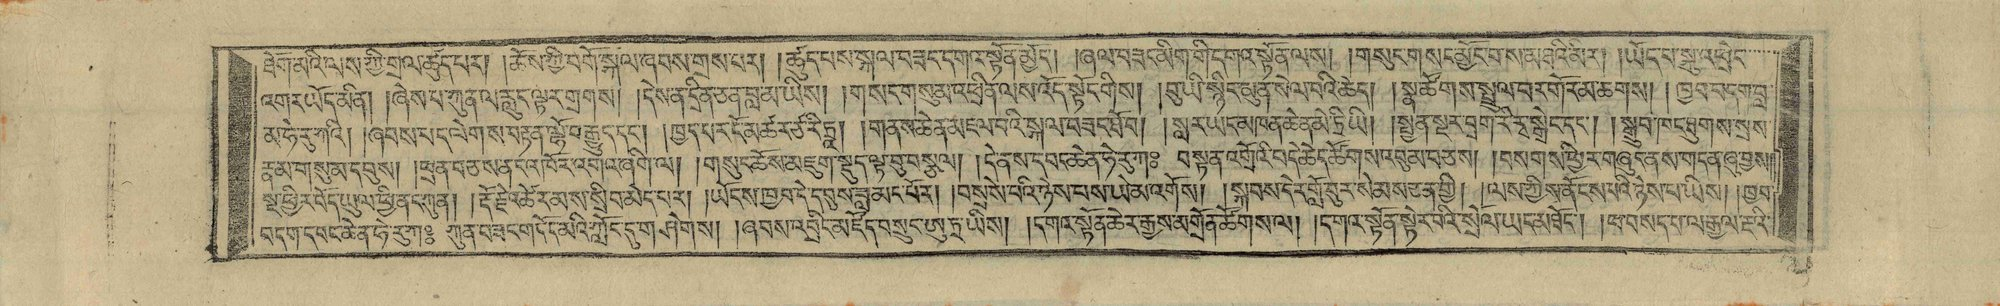ཐོག་མའི་ལས་ཀྱི་གྲལ་ཚུད་པར། །ཆོས་ཀྱི་བགོ་སྐལ་ཞབས་གྲས་པར། །ཚུད་པས་སྐལ་བཟང་དགའ་སྟོན་མྱོང་། །ཞལ་བཟང་མིག་གི་དགའ་སྟོན་ལས། །གསུང་གསང་མྱོང་བ་ས་མཐའི་མིར། །ཡོད་པ་སྐུ་འཕྲེང་
འགར་ཡོད་མིན། །ཞེས་པ་ཀུན་ལ་རླུང་ལྟར་གྲགས། །དེས་ན་དྲིན་ཅན་བླ་མ་ཡིས། །གསང་གསུམ་འཕྲིན་ལས་འོད་སྟོང་གིས། །བུ་ཡི་སྙིང་མུན་སེལ་བའི་ཆེད། །སྣ་ཚོགས་སྤྲུལ་བར་གོར་མ་ཆགས། །ཁྱབ་བདག་བླ་
མ་ཧེ་རུ་ཀའི། །ཞབས་པད་ལེགས་བརྟན་ལྷོ་བརྒྱུད་དང་། །ཁྱད་པར་ངོ་མཚར་ཙ་རི་ཏྲཱ། །གནས་ཆེན་མཇལ་བའི་སྐལ་བཟང་ཐོབ། །སླར་ཡང་མཁན་ཆེན་མེ་ཏྲི་ཡི། །སྤྱན་སྔར་བྲག་རི་རྭ་སྒྲེང་དང་། །སྒྲུབ་ཁང་ཐུགས་སྲས་
རྣམ་གསུམ་དབུས། །ཕྲན་བཅས་ནང་འཁོར་འགའ་ཞིག་ལ། །གསུང་ཆོས་མཇུག་སྡུད་ལྟ་བུ་བསྩལ། །དེ་ནས་དབང་ཆེན་ཧེ་རུ་ཀཿ བསྟན་འགྲོའི་བདེ་ཆེད་ཚོགས་འབུམ་བཅས། །བསགས་ཕྱིར་གཞུང་ནས་གདན་ཞུ་བྱས། །
སྔ་ཕྱིར་བོད་ཡུལ་ཕྱི་ནང་ཀུན། །རྡོ་རྗེ་འཚེར་མས་སྲིབ་མེད་པར། །ཡོངས་ཁྱབ་དེ་དབུས་ཟླ་མང་པོར། །བསྲེས་པའི་ཉེས་པས་ཡེ་མ་འགོས། །སྐབས་དེར་གློ་བུར་སེམས་ཅན་གྱི། །ལས་ཀྱིས་ནོངས་པའི་ཉེས་པ་ཡིས། །ཁྱབ་
བདག་དབང་ཆེན་ཧེ་རུ་ཀཿ ཀུན་བཟང་གདོད་མའི་ཀློང་དུ་གཤེགས། །ཞབས་འབྲིང་མཛོད་བསྲུང་ཨུ་ཏྲ་ཡིས། །དགའ་སྟོན་ཆེར་རྒྱས་མགྲོན་ཚོགས་ལ། །དགའ་སྟོན་སྟེར་བའི་སྲོལ་ཡང་མཐོང་། །ཕ་བསད་པ་ལ་རྒྱལ་རྔའི་